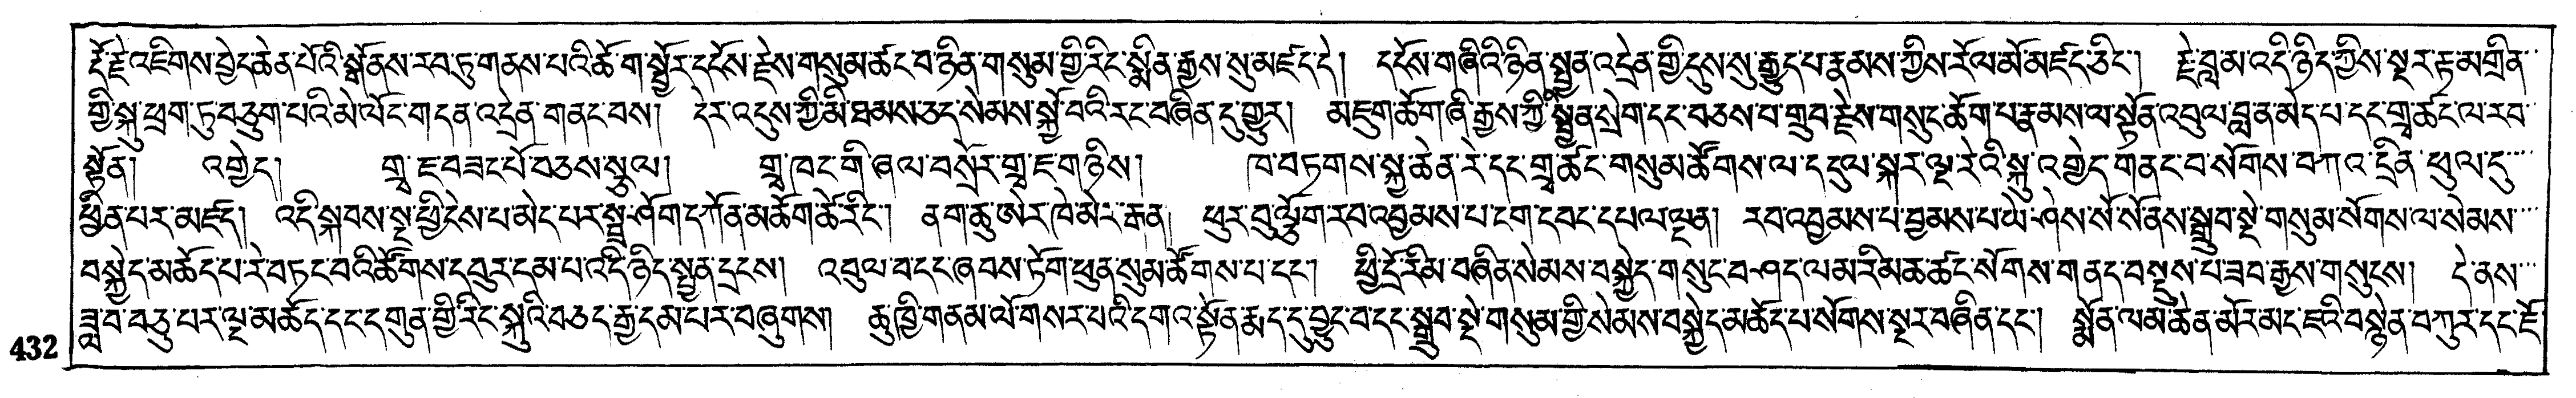རྡོ་རྗེ་འཇིགས་བྱེད་ཆེན་པོའི་སྒོ་ནས་རབ་ཏུ་གནས་པའི་ཆོ་ག་སྦྱོར་དངོས་རྗེས་གསུམ་ཚང་བ་ཉིན་གསུམ་གྱི་རིང་སྨིན་རྒྱས་སུ་མཛད་དེ། དངོས་གཞིའི་ཉིན་སྦྱན་འདྲེན་གྱི་དུས་སུ་རྒྱུད་པ་རྣམས་ཀྱིས་རོལ་མོ་མཛད་ཅིང་། རྗེ་བླ་མ་འདི་ཉིད་ཀྱིས་སྔར་རྟ་མགྲིན་
གྱི་སྐུ་ཕྲག་ཏུ་བཅུག་པའི་མེ་ལོང་གདན་འདྲེན་གནང་བས། དེར་འདུས་ཀྱི་མི་ཐམས་ཅད་སེམས་སྐྱོ་བའི་རང་བཞིན་དུ་གྱུར། མཇུག་ཆོག་ཞི་རྒྱས་ཀྱི་སྦྱན་སྲེག་དང་བཅས་པ་གྲུབ་རྗེས་གསུང་ཆོག་པ་རྣམས་ལ་སྟོན་འབུལ་བླ་ན་མེད་པ་དང་གྲྭ་ཚང་ལ་རབ་
སྟོན། འགྱེད། གྲྭ་ཇ་བཟང་པོ་བཅས་སྩལ། གྲྭ་ཁང་གི་ཞལ་བསྲོར་གྲྭ་ཇ་གཉིས། ཁ་བཏགས་སྐྱ་ཆེན་རེ་དང་གྲྭ་ཚང་གསུམ་ཚོགས་ལ་དངུལ་སྐར་ལྔ་རེའི་སྐུ་འགྱེད་གནང་བ་སོགས་བཀའ་དྲིན་ཕུལ་དུ་
ཕྱིན་པར་མཛད། འདི་སྐབས་སྔ་ཕྱི་ངེས་པ་མེད་པར་སྦྲ་ཤོག་དཀོན་མཆོག་ཚེ་རིང་། ནག་ཆུ་ཨེར་ཁེ་མེར་རྒན། ཕུར་བུ་ལྕོག་རབ་འབྱམས་པ་ངག་དབང་དཔལ་ལྡན། རབ་འབྱམས་པ་བྱམས་པ་ཡེ་ཤེས་སོ་སོ་ནས་སྒྲུབ་སྡེ་གསུམ་སོགས་ལ་སེམས་
བསྐྱེད་མཆོད་པ་རེ་བཏང་བའི་ཚོགས་དབུར་ངམ་པ་འདི་ཉིད་སྦྱན་དྲངས། འབུལ་བ་དང་ཞབས་ཏོག་ཕུན་སུམ་ཚོགས་པ་དང་། ཕྱི་དྲོ་རིམ་བཞིན་སེམས་བསྐྱེད་གསུང་བཤད་ལམ་རིམ་ཆ་ཚང་སོགས་གནད་བསྡུས་པ་ཟབ་རྒྱས་གསུངས། དེ་ནས་
ཟླ་བ་བཅུ་པར་ལྔ་མཆོད་དང་དགུན་གྱི་རིང་སྐུའི་བཅད་རྒྱ་དམ་པར་བཞུགས། ཆུ་ཁྱི་གནམ་ལོ་གསར་བའི་དགའ་སྟོན་རྨད་དུ་བྱུང་བ་དང་སྒྲུབ་སྡེ་གསུམ་གྱི་སེམས་བསྐྱེད་མཆོད་པ་སོགས་སྔར་བཞིན་དང་། སྨོན་ལམ་ཆེན་མོར་མང་ཇའི་བསྙེན་བཀུར་དང་ཇོ་